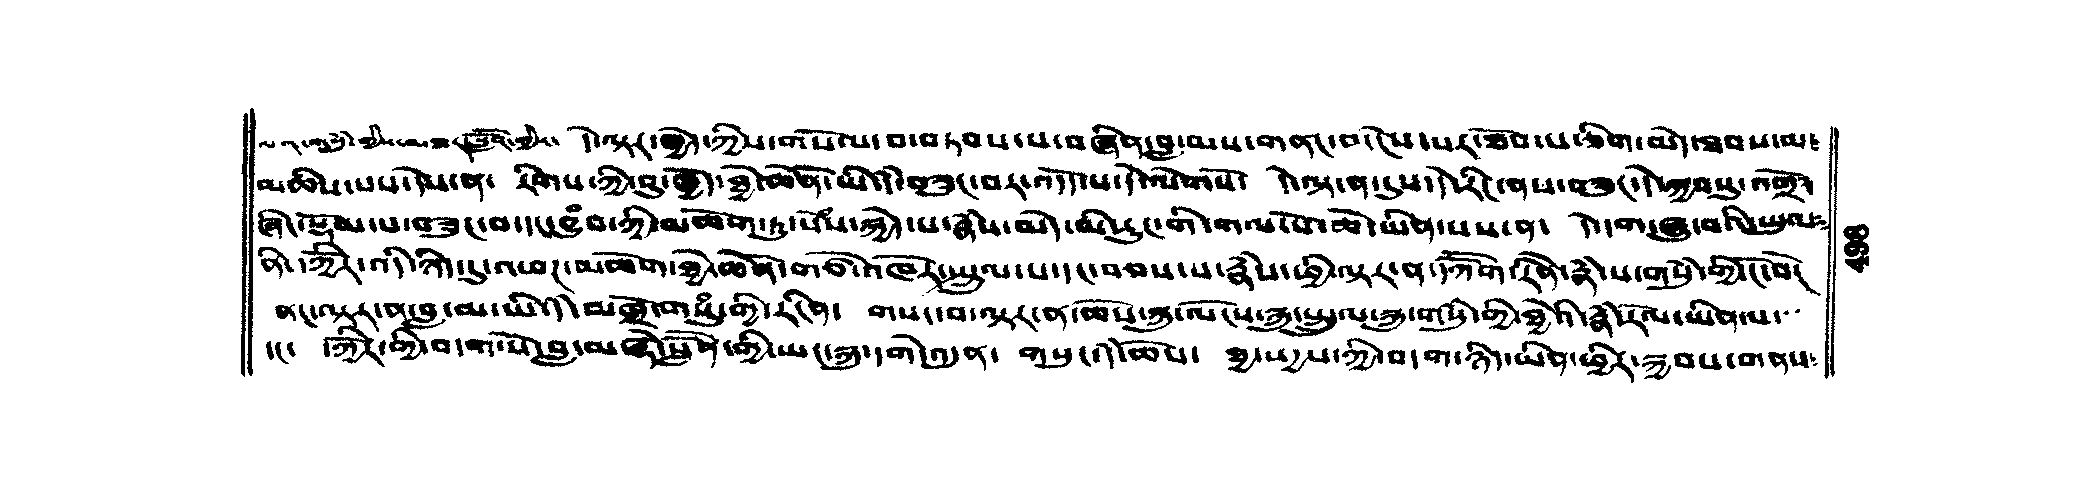ལན་གསུམ་གྱི་མཐར་སློབ་དཔོན་གྱིས། དེ་ལྟར་ཁྱོད་ཀྱིས་གསོལ་བ་བཏབ་པ་བཞིན་བླ་མས་གནང་བ་ངེས་པར་ཐོབ་པ་ཞིག་མེད་ཐབས་མ་
མཆིས་པས་དེས་ན། རིགས་ཀྱི་བུ་ཁྱོད་ཐུགས་རྗེ་ཆེན་པོ་ཡི་དམ་བཟུང་བར་འདོད་པ་དེ་ལེགས་སོ། དེ་ལྟ་ན་དུས་དེ་རིང་ནས་བཟུང་སྟེ་སྐྱབས་སུ་འགྲོ་
ཞིང་སྡོམ་པ་བཟུང་བ་དང་བྱང་ཆུབ་ཀྱི་མཆོག་ཏུ་སེམས་བསྐྱེད་པ་རྣམས་མེད་མི་རུང་གི་གལ་པོ་ཆེ་ཡིན་པས་ན། དེ་དག་ཞུ་བའི་ཡུལ་
ནི་དཀྱིལ་འཁོར་དེ་ཉིད་དུ་འཕགས་མཆོག་ཐུགས་རྗེ་ཆེན་པོ་གཙོ་འཁོར་སྤྲུལ་བ་དང་བཅས་པ་བཅས་པ་རྣམས་ཕྱི་ལྟར་ན་དཀོན་མཆོག་རིན་ཆེན་རྣམ་པ་གསུམ་གྱི་ངོ་བོ། 
ནང་ལྟར་ན་བླ་མ་ཡི་དམ་མཁའ་འགྲོ་གསུམ་གྱི་རང་བཞིན། གསང་བ་ལྟར་ན་ཆོས་སྐུ་ལོངས་སྐུ་སྤྲུལ་སྐུ་གསུམ་གྱི་ཐུགས་རྗེའི་རྣམ་རོལ་ཡིན་པ་
དང་། དཀྱིལ་འཁོར་གྱི་བདག་པོ་བླ་མ་རྡོ་རྗེ་སློབ་དཔོན་གྱི་སྐུ་དགེ་འདུན། གསུང་དམ་ཆོས། ཐུགས་སངས་རྒྱས་ཀྱི་བདག་ཉིད་ཡིན་ཕྱིར་སྐྱབས་གནས་